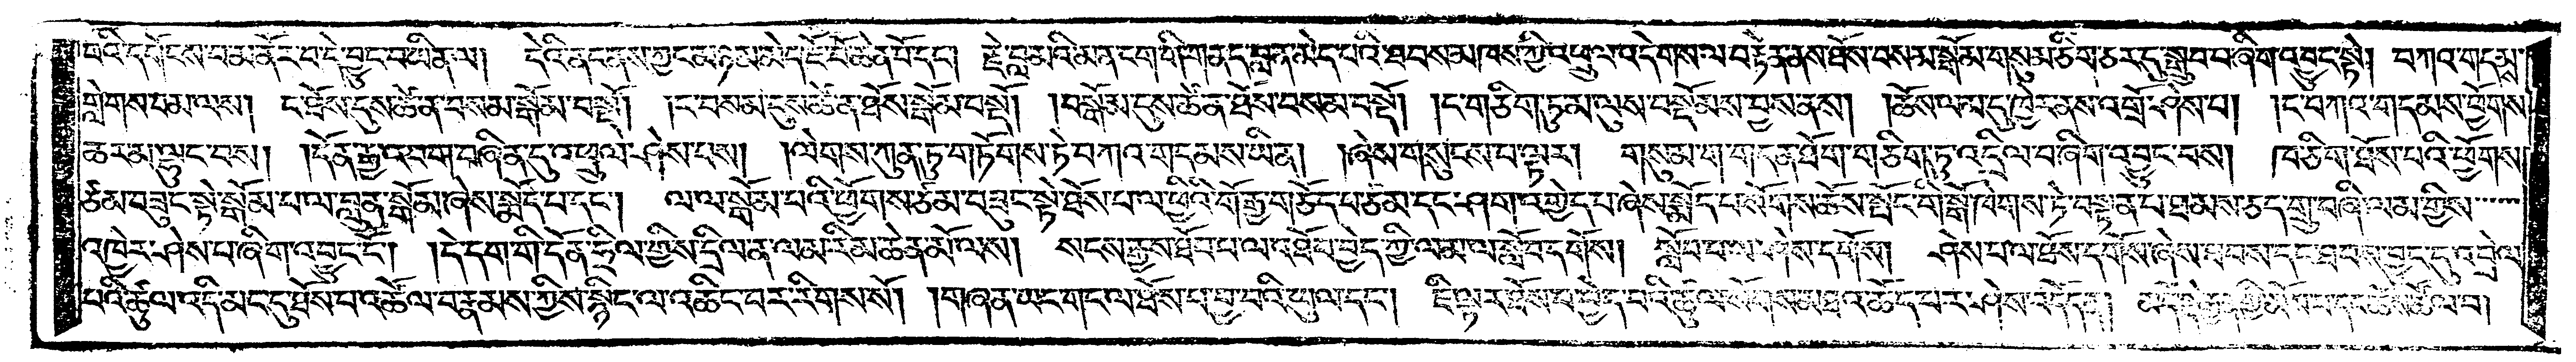བའི་དགོངས་བམ་ནོར་བ་དེ་བྱུང་བ་ཡིན་ལ། དེའི་ནང་ནས་ཀྱང་མཉམ་མེད་ཇོ་བོ་ཆེན་པོ་དང་། རྗེ་བླ་མའི་མན་ངག་གི་གནད་བླ་ན་མེད་པའི་ཐབས་མཁས་ཀྱི་འཕྲུལ་འདེགས་ལ་བརྟེན་ནས་ཐོས་བསམ་སྒོམ་གསུམ་ཅིག་ཅར་དུ་སྒྲུབ་བ་ཞིག་འབྱུང་སྟེ། བཀའ་གདམས་
གླེགས་བམ་ལས། ང་ཐོས་དུས་ཚེ་ན་བསམ་སྒོམ་བསྔོ། །ང་བསམ་དུས་ཚེ་ན་ཐོས་སྒོམ་བ་སྡོ། །བསྒོམ་དུས་ཚེ་ན་ཐོས་བསམ་བསྡོ། །ང་གཅིག་ཏུ་མ་ལུས་བསྡོམས་བྱས་ནས། །ཆོས་ལམ་དུ་ཁྱེར་ནས་འགྲོ་ཤེས་པ། །ང་བཀའ་གདམས་ཕྱོགས་
ཆར་མ་ལྷུང་བས། །དོན་རྒྱ་འབག་བཞིན་དུ་འཕྲུལ་ཤེས་པས། །ལེགས་ཀུན་ཏུ་གཙོགས་ཏེ་བཀའ་གདམས་ཡིན། །ཞེས་གསུགནས་པ་ལྟར། གསུམ་ག་གདན་ཐོག་གཅིག་ཏུ་འདྲིལ་བ་ཞིག་འབྱུང་བས། ཁ་ཅིག་ཐོས་པའི་ཕྱོགས་
ཙམ་བཟུང་སྟེ་སྒོམ་པ་ལ་བློན་སྒོམ་ཞེས་སྨོད་པ་དང་། ལ་ལ་སྒོམ་པའི་ཕྱོགས་ཙམ་བཟུང་སྟེ་ཐོས་པ་ལ་ཕྱིའི་གོ་རྒྱ་གཅོད་པ་ཙམ་དང་ཤག་འགྱེད་སྨོད་པ་སོགས་ཆོས་སྤོང་གི་སྒོ་ཁེགས་ཏེ་བསྟན་པ་ཐམས་ཅད་གྲུ་བཞི་ལམ་གྱིས་
འཁྱེར་ཤེས་པ་ཞིག་འབྱུང་ངོ། །དེ་དག་གི་དོན་དྲིལ་གྱིས་དྲི་ལན་ལམ་རིམ་ཆེན་མོ་ལས། སངས་རྒྱས་ཐོབ་པ་ལ་འཐོབ་བྱེད་ཀྱི་ལམ་ལ་སློབ་དགོས། སློབ་པ་ལ་ཤེས་དགོས། ཤེས་པ་ལ་ཐོས་དགོས་ཞེས་ཐབས་དང་ཐབས་བྱུང་དུ་འབྲེལ་
བའི་ཚུལ་འདི་མང་དུ་ཐོས་པ་འཚོལ་བ་རྣམས་ཀྱིས་སྙིང་ལ་འཆིང་བར་རིགས་སོ། །གཞན་ཡང་གང་ལ་ཐོས་པ་བྱ་བའི་ཡུལ་དང་། ཇི་ལྟར་ཐོས་པ་བྱེད་པའི་ཚུལ་སོགས་མཐའ་ཆོད་པར་ཤེས་འདོད་ན། མདོ་སྡེ་རྒྱན་གྱི་མོས་པ་དང་ཆོས་ཚོལ་བ།